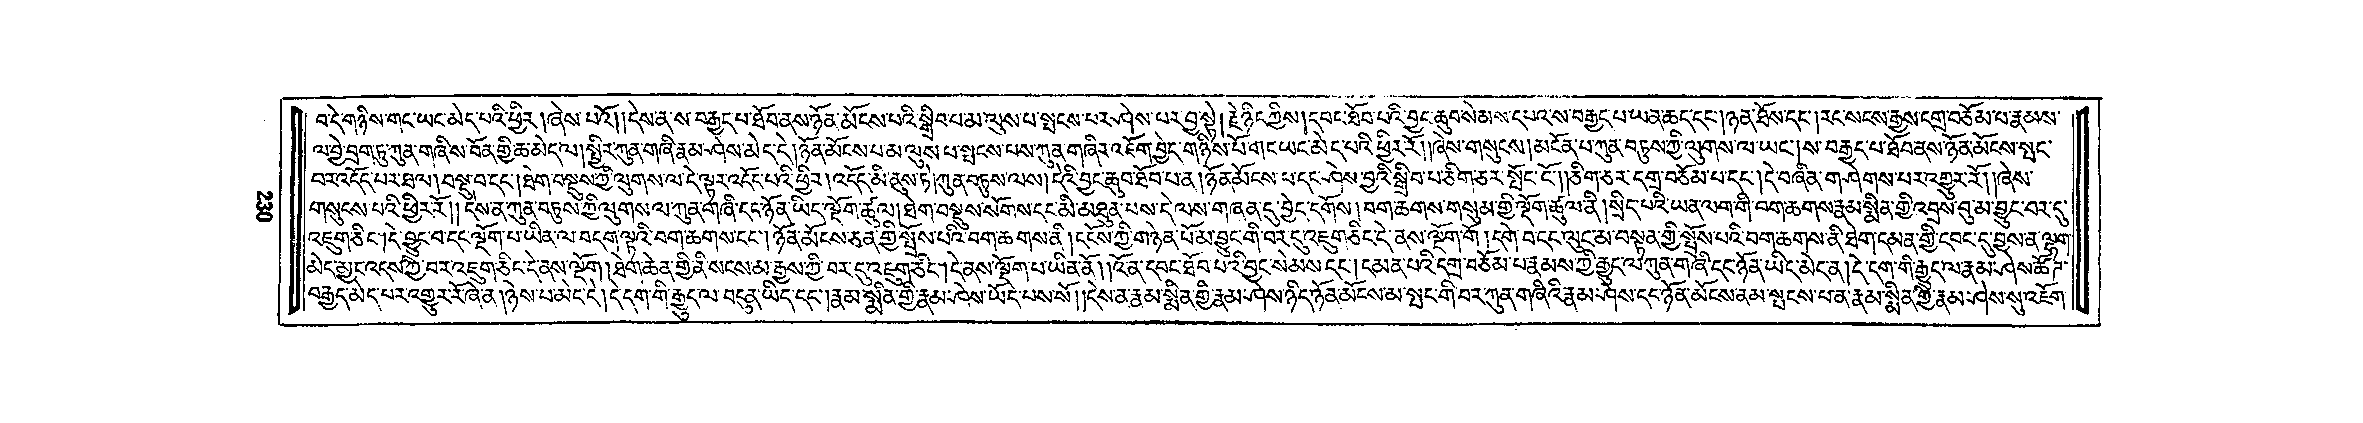བ་དེ་གཉིས་གང་ཡང་མེད་པའི་ཕྱིར། ཞེས་པའོ། །དེས་ན་ས་བརྒྱད་པ་ཐོབ་ནས་ཉོན་མོངས་པའི་སྒྲིབ་པ་མ་ལུས་པ་སྤངས་པར་ཤེས་པར་བྱ་སྟེ། རྗེ་ཉིད་ཀྱིས། དབང་ཐོབ་པའི་བྱང་ཆུབ་སེམས་དཔའ་ས་བརྒྱད་པ་ཡན་ཆད་དང་། ཉན་ཐོས་དང་། རང་སངས་རྒྱས་དགྲ་བཅོམ་པ་རྣམས་
ལ་བྱེ་བྲག་ཏུ་ཀུན་གཞི་ས་བོན་གྱི་ཆ་མེད་ལ། སྤྱིར་ཀུན་གཞི་རྣམ་ཤེས་མེད་དེ། ཉོན་མོངས་པ་མ་ལུས་པ་སྤངས་པས་ཀུན་གཞིར་འཇོག་བྱེད་གཉིས་པོ་གང་ཡང་མེད་པའི་ཕྱིར་རོ། །ཞེས་གསུངས། མངོན་པ་ཀུན་བཏུས་ཀྱི་ལུགས་ལ་ཡང་། ས་བརྒྱད་པ་ཐོབ་ནས་ཉོན་མོངས་སྤང་
བར་འདོད་པར་ཐལ། བསྡུ་བ་དང་། ཐེག་བསྡུས་ཀྱི་ལུགས་ལ་དེ་ལྟར་འདོད་པའི་ཕྱིར། འདོད་མི་ནུས་ཏེ། ཀུན་བཏུས་ལས། དེའི་བྱང་ཆུབ་ཐོབ་པ་ན། ཉོན་མོངས་པ་དང་ཤེས་བྱའི་སྒྲིབ་པ་ཅིག་ཅར་སྤོང་ངོ། །ཅིག་ཅར་དགྲ་བཅོམ་པ་དང་། དེ་བཞིན་གཤེགས་པར་འགྱུར་རོ། །ཞེས་
གསུངས་པའི་ཕྱིར་རོ། །དེས་ན་ཀུན་བཏུས་ཀྱི་ལུགས་ལ་ཀུན་གཞི་དང་ཉོན་ཡིད་ལྡོག་ཚུལ། ཐེག་བསྡུས་སོགས་དང་མི་མཐུན་པས་དེ་ལས་གཞན་དུ་བྱེད་དགོས། བག་ཆགས་གསུམ་གྱི་ལྡོག་ཚུལ་ནི། སྲིད་པའི་ཡན་ལག་གི་བག་ཆགས་རྣམ་སྨིན་གྱི་འབྲས་བུ་མ་བྱུང་བར་དུ་
འཇུག་ཅིང་། དེ་བྱུང་བ་དང་ལྡོག་པ་ཡིན་ལ་བདག་ལྟའི་བག་ཆགས་དང་། ཉོན་མོངས་ཅན་གྱི་སྤྲོས་པའི་བག་ཆགས་ནི། དངོས་ཀྱི་གཉེན་པོ་མ་བྱུང་གི་བར་དུ་འཇུག་ཅིང་དེ་ནས་ལྡོག་གོ །དགེ་བ་དང་ལུང་མ་བསྟན་གྱི་སྤྲོས་བའི་བག་ཆགས་ནི་ཐེག་དམན་གྱི་དབང་དུ་བྱས་ན་ལྷག་
མེད་མྱང་འདས་ཀྱི་བར་འཇུག་ཅིང་དེ་ནས་ལྡོག །ཐེག་ཆེན་གྱི་ནི་སངས་མ་རྒྱས་ཀྱི་བར་དུ་འཇུག་ཅིང་། དེ་ནས་ལྡོག་པ་ཡིན་ནོ། །འོ་ན་དབང་ཐོབ་པའི་བྱང་སེམས་དང་། དམན་པའི་དགྲ་བཅོམ་པ་རྣམས་ཀྱི་རྒྱུད་ལ་ཀུན་གཞི་དང་ཉོན་ཡིད་མེད་ན། དེ་དག་གི་རྒྱུད་ལ་རྣམ་ཤེས་ཚོགས་
བརྒྱ་མེད་པར་འགྱུར་རོ་ཞེ་ན། ཉེས་པ་མེད་དེ། དེ་དག་གི་རྒྱུད་ལ་བདུན་ཡིད་དང་། རྣམ་སྨིན་གྱི་རྣམ་ཤེས་ཡོད་པས་སོ། །དེས་ན་རྣམ་སྨིན་གྱི་རྣམ་ཤེས་ཉིད་ཉོན་མོངས་མ་སྤང་གི་བར་ཀུན་གཞིའི་རྣམ་ཤེས་དང་ཉོན་མོངས་ནམ་སྤངས་པ་ན་རྣམ་སྨིན་གྱི་རྣམ་ཤེས་སུ་འཇོག་